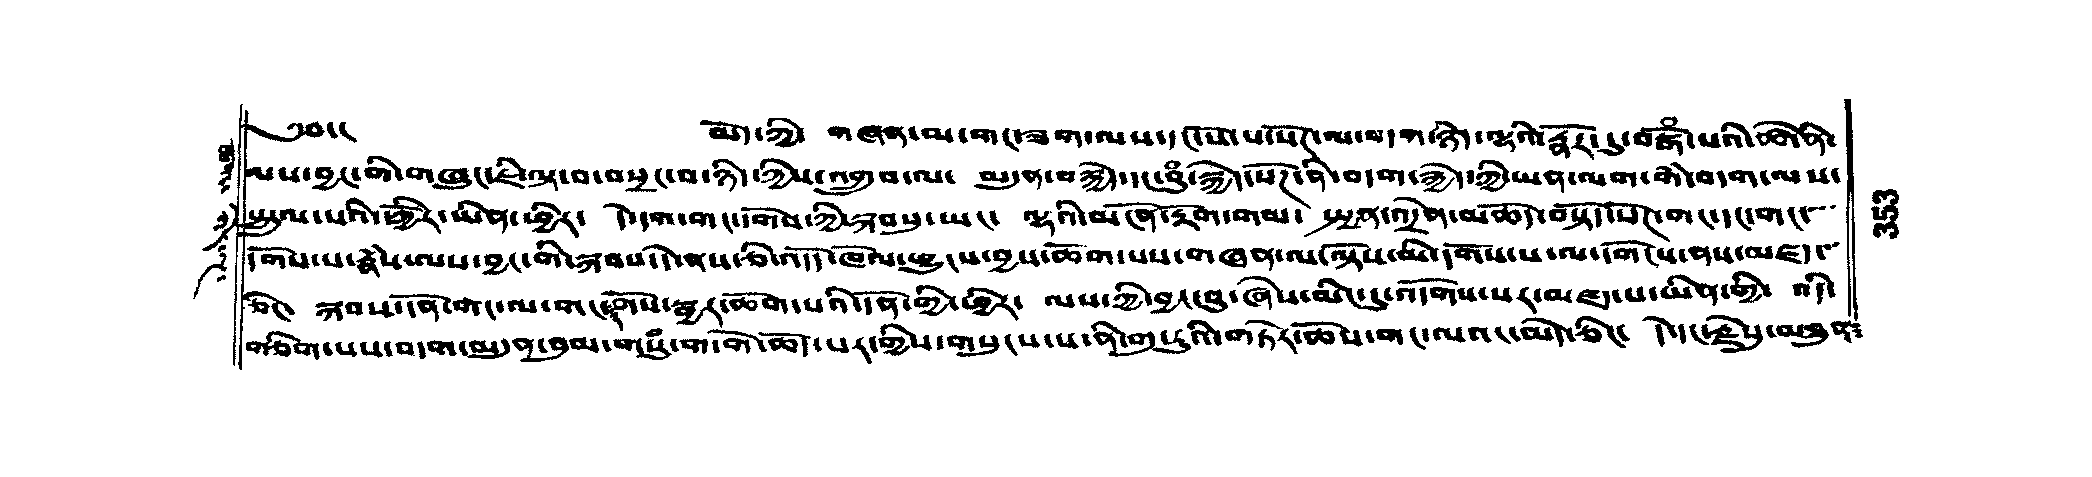མོད་ཀྱི། གཞན་མ་གང་ཟག་ལས་དང་པོ་པ་སོགས་ལ་བདག་ཉིད་ལྷའི་རྣལ་འབྱོར་དུ་བསྒོམ་པའི་ཚེ་ནི་
ལས་བྱང་གི་གཞུང་ཇི་ལྟ་བ་བསྲང་བ་ཉིད་ཀྱི་འགྲུབ་ལ། མདུན་བསྐྱེད་དང་བུམ་བསྐྱེད་སོགས་ནི་བདག་བསྐྱེད་ཀྱི་ཡན་ལག་གམ་བདག་ལས་
སྤྲུལ་བའི་དཀྱིལ་འཁོར་ཡིན་ཕྱིར། དེ་དག་གང་དགོས་ཀྱི་སྐབས་སུ་ཡང་། ལྷའི་མངོན་རྟོགས་ལས། སྤྱན་འདྲེན་མཆོད་བསྟོད་སོགས་གང་དང་གང་
དགོས་པ་རྣམས་ལས་བྱང་གི་སྐབས་དེ་ནས་ཅི་འདོད་ཁོལ་ཕྱུངས་བྱས་ཆོག་པས་གཞན་ལ་ལྟོས་མི་དགོས་པ་ལ་དགོངས་ནས་མཛད་
ཅིང་། སྐབས་དོན་གང་ལ་གང་དགོས་སྦྱར་ཆོག་པའི་དོན་གྱི་ཕྱིར། ལས་ཀྱི་བྱང་བུ་ཞེས་མིང་དུ་འདོགས་པར་མཛད་པ་ཡིན་གྱི། འདི་
གཅིག་པས་བདག་མདུན་བུམ་གསུམ་ག་གོ་ཆོད་པར་གྱིས་གསུངས་པ་ནི་གུ་རུའི་གཏེར་ཆོས་གང་ལའང་མེད་ཅིང་། དེ་དང་རྗེས་སུ་མཐུན་